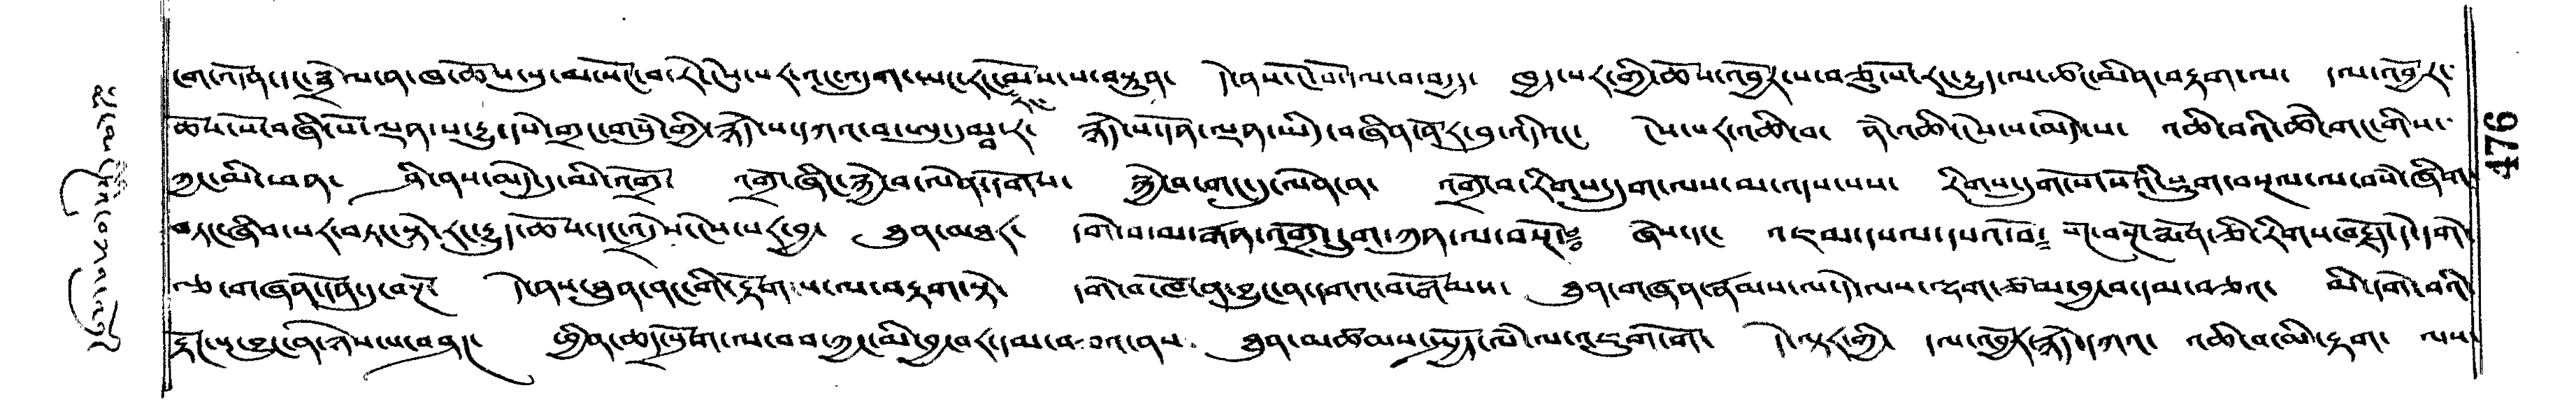ངག་འདོན་དང་སྦྲེལ་ན་ཁ་ཆོས་སུ་མ་སོང་བ་རེ་ངེས་པར་འོང་འདུག་ན་ཡང་རང་རང་མོས་པ་བསྟུན། དེ་ནས་ངོ་བོ་དལ་བ་བརྒྱད། ཁྱད་པར་གྱི་ཆོས་འབྱོར་པ་བཅུ་པོ་རང་རྒྱུད་ལ་ཚང་མིན་བརྟག་ལ།དལ་འབྱོར་
ཆོས་སོ་བཞི་པོ་ལྡན་པ་རྒྱུ་དཔེ་གྲངས་གསུམ་གྱིས་རྙེད་པ་དཀའ་བ་ཨུ་དུམ་ཝ་ར། རྙེད་པ་དོན་ལྡན་ཡིད་བཞིན་ནོར་བུ་འདིའང་། ངེས་པར་འཆི་བ། ནམ་འཆི་ངེས་པ་མེད་པ། འཆི་བའི་ཚེ་གང་གིས་
ཀྱང་མི་ཕན། ཤི་ནས་མེད་དུ་མི་འགྲོ། འགྲོ་ཞིང་སྐྱེ་བ་ལེན་དགོས། སྐྱེ་བ་གང་དུ་ལེན་ན། འགྲོ་བ་རིགས་དྲུག་ལས་མ་འདས་པས། རིགས་དྲུག་སོ་སོའི་སྡུག་བསྔལ་ལ་བསམ་གཞིག་
ཞིབ་པར་བཏང་སྟེ་རང་རྒྱུད་ཆོས་དང་འདྲེས་ངེས་པར་བྱ། ཐུན་མཐར། དགེ་བ་མ་རྒན་འགྲོ་དྲུག་ཀུན་ལ་བསྔོ༔ ཞེས་དང་། འཇམ་དཔལ་དཔའ་བོ༴ སོགས་བསྔོ་སྨོན་ཅི་རིགས་བརྗོད་དེ་དགེ་
རྩ་གཞན་དོན་དུ་བསྔོ། དེ་ནས་ཐུན་ནང་གི་རྟོག་པ་ལ་བརྟག་སྟེ། དགེ་བ་ཁོ་ན་བྱུང་ན་དགའ་བ་སྒོམས། ཐུན་གཞན་རྣམས་ལ་དེ་ལས་ལྷག་ཙམ་བྱ་བ་དམ་བཅའ། མི་དགེ་བའི་
རྟོགས་པ་བྱུང་ན་ཉེས་པ་བཤགས། ཕྱིན་ཆད་སྲོག་ལ་བབ་ཀྱང་མི་བྱ་བར་དམ་བཅས་ནས། ཐུན་མཚམས་སྤྱོད་ལམ་ལ་འཇུག་གོ དེ་ལྟར་གྱིས་དལ་འབྱོར་རྙེད་དཀའ། འཆི་བ་མི་རྟག ལས་